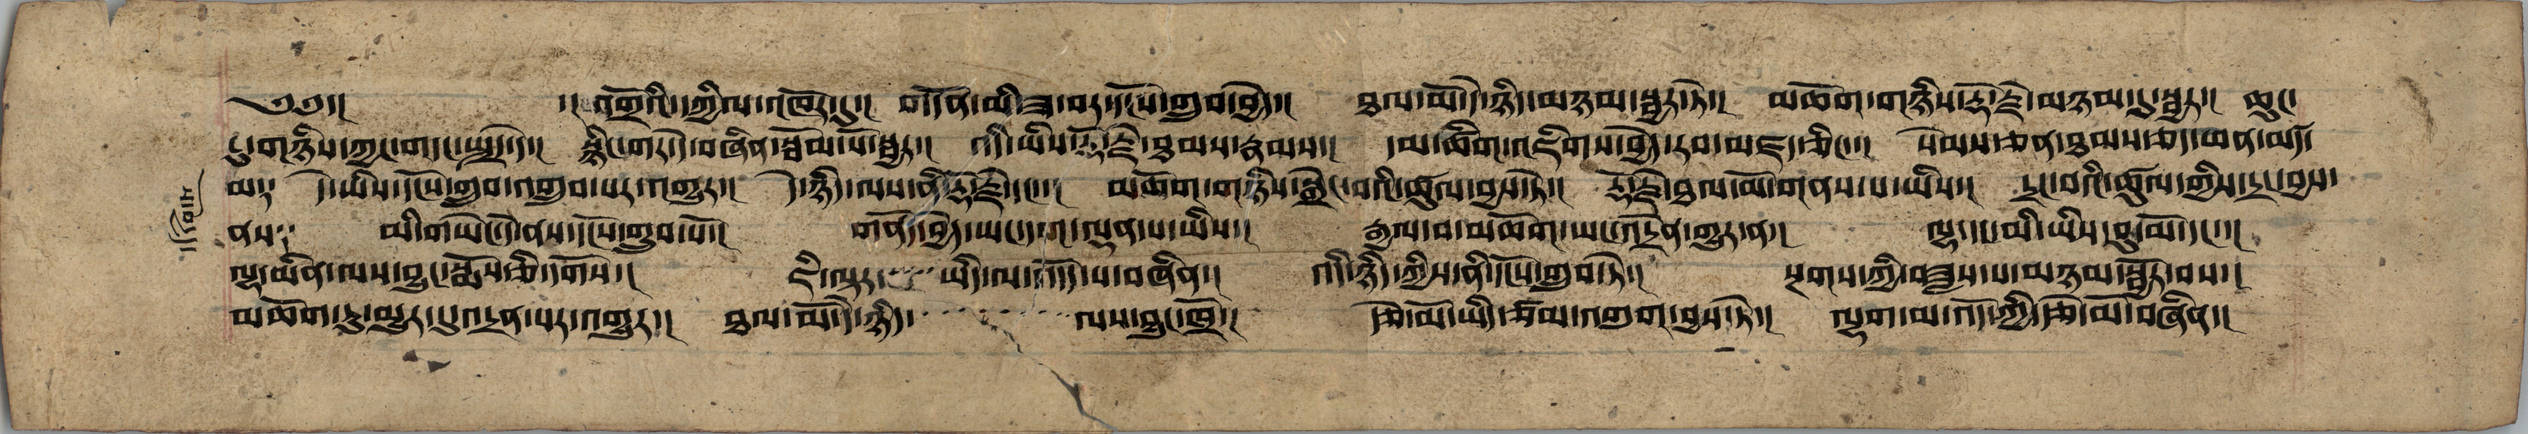༄༅་། ་། འགྲོའི་དཀྱིལ་འཁོར་དུ་། གདོད་མི་ཟ་བར་དངོས་གྲུབ་བྱེད་། ཐལ་མོ་དེ་ཉིད་མཉམ་སྦྱར་ཏེ་། མཆོག་གཉིས་རྡོ་རྗེ་མཉམ་དུ་སྦྱར་། ཆུང་
ངུ་གཉིས་ཀྱང་གདང་སྤྲད་དེ་། སྙིང་གར་དེ་བཞིན་སྦོམ་པོ་སྦྱར་། འདི་ཡིས་རྡོ་རྗེ་ཐམས་རྣམས་། དམ་ཚིག་འཇིགས་བྱེད་རབ་མཛད་ཅིང་་། སེམས་ཅན་ཐམས་ཅད་ཡན་མཛད་
མ༑ དེ་ཡིས་དངོས་གྲུབ་འགྲུབ་པར་འགྱུར་། དེ་ཉིད་ལས་ནི་རྡོ་རྗེ་དང་་། མཆོག་གཉིས་སྒྲེང་བའི་ཚུལ་བྱས་ཏེ་། རྡོ་རྗེ་ཐལ་མོ་གནས་པ་ཡིས་། དྲང་བའི་ཚུལ་གྱིས་དྲང་བྱས་
ནས༑ མི་གཡེང་དེ་ནས་དངོས་གྲུབ་པོ་། གནོད་བྱེད་ཡང་དག་ལྡན་པ་ཡིས་། རྒྱལ་བ་མཆོག་ཡང་འདྲེན་གྱུར་ན་། ལྷ་དང་མི་ཡིས་བུ་མོ་དང་་།
ལྷ་མིན་ལས་བྱུང་སྨོས་ཅི་དགོས་། ཇི་ལྟར་ ཡིད་ལ་འདོད་པ་བཞིན་། འདི་ཉིད་ཀྱིས་ནི་དདངོས་གྲུབ་ཏེ་། སྔགས་ཀྱི་བཟླས་པ་མཉམསྦྱོར་བས་།
མཆོག་ཏུ་མྱུར་དུ་འདྲན་པར་འགྱུར་། ཐལ་མོ་དེ་ཉིད་ ལས་བྱུང་ཁྲོ་། རྩེ་མོ་ཡིད་ཙམ་འགུག་བྱས་ཏེ་། ལྷག་མ་འདོ་ཀྱི་རྩེ་མོ་བཞིན་།